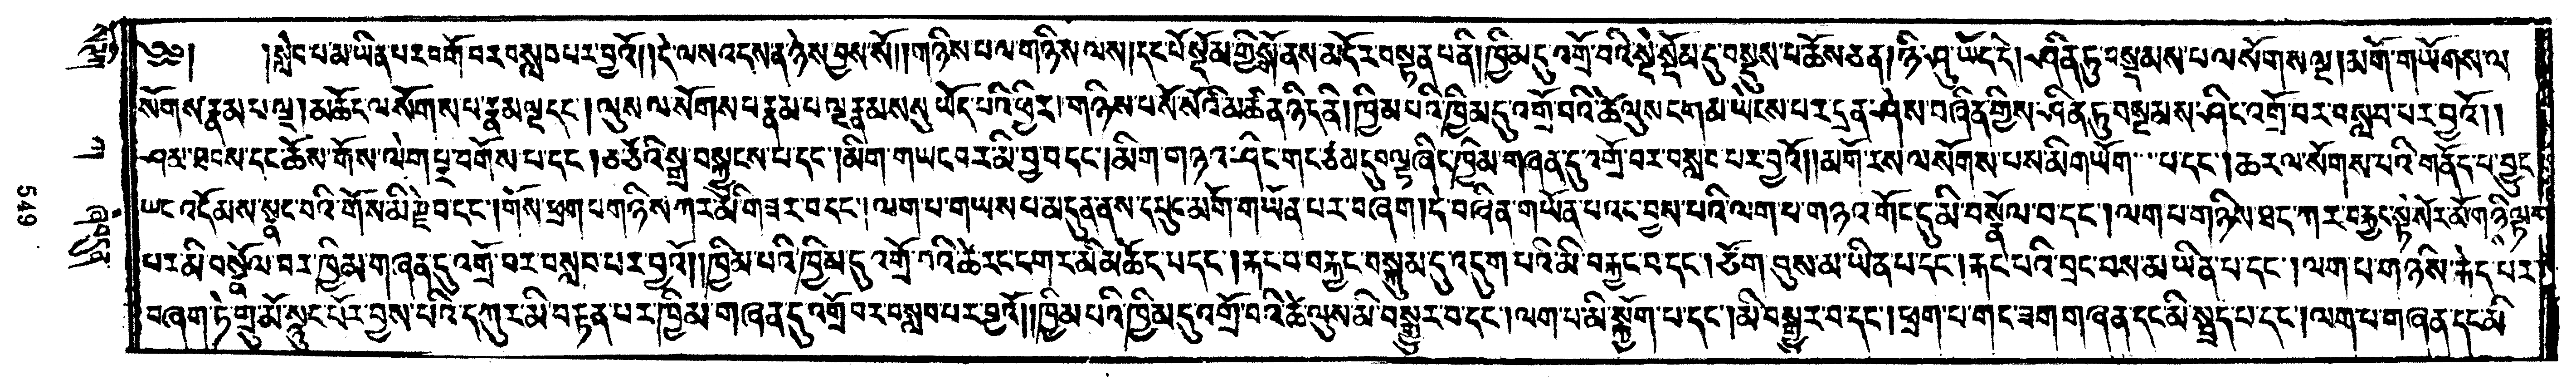༄༅། །སླེབ་པ་མ་ཡིན་པར་བགོ་བར་བསླབ་པར་བྱའོ། །དེ་ལས་འདས་ན་ཉེས་བྱས་སོ། །གཉིས་པ་ལ་གཉིས་ལས། དང་པོ་སྡོམ་གྱི་སྒོ་ནས་མདོར་བསྟན་པ་ནི། ཁྱིམ་དུ་འགྲོ་བའི་སྡེ་སྡོམ་དུ་བསྡུས་པ་ཆོས་ཅན། ཉི་ཤུ་ཡོད་དེ། ཤིན་ཏུ་བསྡམས་པ་ལ་སོགས་ལྔ། མགོ་གཡོགས་ལ་
སོགས་རྣམ་པ་ལྔ། མཆོད་ལ་སོགས་པ་རྣམ་ལྔ་དང་། ལུས་ལ་སོགས་པ་རྣམ་པ་ལྔ་རྣམས་སུ་ཡོད་པའི་ཕྱིར། གཉིས་པ་སོ་སོའི་མཚན་ཉིད་ནི། ཁྱིམ་པའི་ཁྱིམ་དུ་འགྲོ་བའི་ཚེ་ལུས་ངག་མ་ཡེངས་པར་དྲན་ཤེས་བཞིན་གྱིས་ཤིན་ཏུ་བསྔམས་ཤིང་འགྲོ་བར་བསླབ་པར་བྱའོ།།
ཤམ་ཐབས་དང་ཆོས་གོས་ལེག་པར་བགོས་པ་དང་། ཅ་ཅོའི་སྒྲ་བསྐྱུངས་པ་དང་། མིག་གཡང་བར་མི་བྱ་བ་དང་། མིག་གཉའ་ཤིང་གང་ཙམ་དུ་བལྟ་ཞིང་ཁྱིམ་གཞན་དུ་འགྲོ་བར་བསླབ་པར་བྱའོ། །མགོ་རས་ལ་སོགས་པས་མི་གཡོག་པ་དང་། ཆར་ལ་སོགས་པའི་གནོད་པ་བྱུང་
ཡང་འདོམས་སྣང་བའི་གོས་མི་རྫེ་བ་དང་། གོས་ཕྲག་པ་གཉིས་ཀར་མི་གཟར་བ་དང་། ལག་པ་གཡས་པ་མདུན་ནས་དཔུང་མགོ་གཡོན་པར་བཞག །དེ་བཞིན་གཡོན་པའང་བྱས་པའི་ལག་པ་གཉའ་གོང་དུ་མི་བསྣོལ་བ་དང་། ལག་པ་གཉིས་ཐད་ཀར་བརྐྱང་སྟེ་སོར་མོ་གཉིས་ལྟག་
པར་མི་བསྣོལ་བར་ཁྱིམ་གཞན་དུ་འགྲོ་བར་བསླབ་པར་པར་བྱའོ། །ཁྱིམ་པའི་ཁྱིམ་དུ་འགྲོ་བའི་ཚེ་རང་དགར་མི་མཆོད་པ་དང་། རྐང་བ་བརྐྱང་བསྐུམ་དུ་འདུག་པའི་མི་བརྐྱང་བ་དང་། ཙོག་བུས་མ་ཡིན་པ་དང་། རྐང་པའི་བྲང་བས་མ་ཡིན་པ་དང་། ལག་པ་གཉིས་རྐེད་པར་
བཞག་ཏེ་གྲུ་མོ་སྙུང་པོར་བྱས་པའི་དཀུར་མི་བརྟན་པར་ཁྱིམ་གཞན་དུ་འགྲོ་བར་བསླབ་པར་བྱའོ། །ཁྱིམ་པའི་ཁྱིམ་དུ་འགྲོ་བའི་ཚེ་ལུས་མི་བསྒྱུར་བ་དང་། ལག་པ་མི་སྐྱོག་པ་དང་། མི་བསྒྱུར་བ་དང་། ཕྲག་པ་གང་ཟག་གཞན་དང་མི་སྦྲད་པ་དང་། ལག་པ་གཞན་དང་མི་